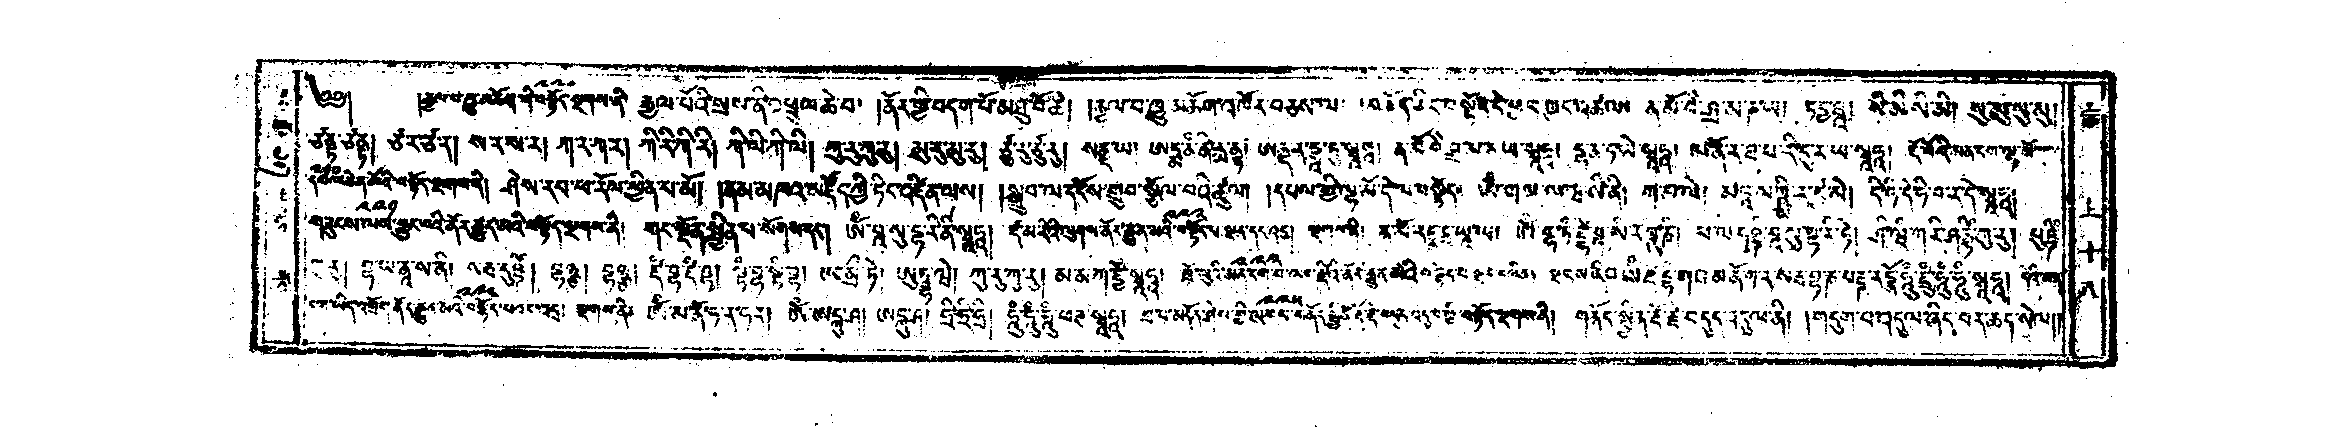༄༅། །རྒྱལ་བ༢༡༩་ཁྱུ་མཆོག་གི་བསྟོད་སྔགས་ནི། རྒྱལ་པོའི་སྲས་ནི་འཕྲུལ་ཆེ་བ། །ནོར་གྱི་བདག་པོ་མཐུ་བོ་ཆེ། །རྒྱལ་བ་ཁྱུ་མཆོག་འཁོར་བཅས་ལ། །མཆོད་ཅིང་བསྟོད་དེ་ཕྱག་ཀྱང་འཚལ། ན་མོ་བཻ་ཤྲ་མ་ཎ་ཡ། ཏདྱ་ཐཱ། སི་མི་སི་མི། སུ་མུ་སུ་མུ།
ཙནྟ་ཙནྟ། ཙ་ར་ཙ་ར། ས་ར་ས་ར། ཀ་ར་ཀ་ར། ཀི་རི་ཀི་རི། ཀི་ལི་ཀི་ལི། ཀུ་རུ་ཀུ་རུ། མུ་རུ་མུ་རུ། ཙུ་རུ་ཙུ་རུ། སནྡ་ཡ། ཨཏྨ་ནཾ་ནི་རྱ་ནྟ། ཨནྡ་ར་དྡྷཱ་ཏུ་སྭཱཧཱ། ན་མོ་བཻ་ཤྲ་མ་ཎ་ཡ་སྭཱཧཱ། དྷ་ན་ཏ་ཡེ་སྭཱཧཱ། མ་ནོ་ར་ཐ་པ་རི་དུ་ར་ཡ་སྭཱཧཱ། ཇོ་བོའི་མན་ངག་ལྷ་མོ་
དཔལ༢༢༠་ཆེན་མོའི་བསྟོད་སྔགས་ནི། ཤེས་རབ་ཕ་རོལ་ཕྱིན་པ་མོ། །ནམ་མཁའ་མཛོད་ཀྱི་ཏིང་འཛིན་ལས། །སྒྲུབ་ལ་དངོས་གྲུབ་སྩོལ་བའི་ཚུལ། །དཔལ་གྱི་ལྷ་མོ་དེ་ལ་བསྟོད། ཨོཾ་ཀ་མ་ལ་ཝ་སི་ནི། ཀ་མ་ལེ། མཧཱ་ལཀྵྨི་ར་ཛྱ་མེ། དི་ཧི་དེ་ཧི་བ་ར་དེ་སྭཱཧཱ།
གཟུངས་ལས་བྱུང་བའི་ནོར་རྒྱུན༢༢༣་མའི་བསྟོད་སྔགས་ནི། གང་སྔོན་སྦྱིན་པ་སོགས་དང་།  ཨོཾ་བཱ་སུ་དྷ་རི་ནི་སྭཱཧཱ། ཛ་མ་རིའི་ལུགས་ནོར་རྒྱུན༢༢༢་མའི་བསྟོད་པ་སྔར་དང་འདྲ། སྔགས་ནི། ན་མོ་རཏྣ་ཏྲ་ཡཱ་ཡ། ཨོཾ་གྷ་ཏཾ་ཛྷི་བྷ་སཾ་རཀྵ་ཎི། ཕ་ལ་ཧཥྜི་བཱ་སུ་བྷ་རི་ཏེ། ཤི་ཝཾ་ཀ་རི་ཤནྟིཾ་ཀུ་རུ། པུཥྜིཾ་
ཀུ་རུ། བྷ་ཡ་ནཱ་ས་ནི། སརྦ་དུཥྜིཾ། བྷཉྩ། བྷཉྩ། ཛཾ་བྷ་ཛཾ་བྷ། སྟཾ་བྷ་སྟཾ་བྷ། ཨ་མྲྀ་ཏེ། ཨུཏྦྷ་ཝེ། ཀུ་རུ་ཀུ་རུ། མ་མ་ཀ་ཛྱེཾ་སྭཱཧཱ། ཁྲོ་ཕུའི་མན་ངག་བ་ལང་རྫིའི་ནོར་རྒྱུན༢༢༣་མའི་བསྟོད་པ་སྔར་བཞིན། སྔགས་ནི། ཨོཾ་ཛཾ་དྷི་ཀ་ཐ་མ་ནོ་ཧ་ར་སརྦ་བྷ་ཎ་པཌྜ་རདྣོ་ཧཱུཾ་ཛྲུཾ་ཧཱུཾ་ཧཱུཾ་སྭཱཧཱ། དེའི་མན་
ངག་ཡིད་འཕྲོག་ནོར་རྒྱུན༢༢༤་མའི་བསྟོད་པའང་འདྲ། སྔགས་ནི། ཨོཾ་མ་ནོ་ཧ་ར་ཧ་ར། ཨོཾ་ཨངྐུ?་ཤ། ཨངྐུ་ཤ། ཧྲི་ཧྲི་ཧྲི། ཧཱུཾ་ཧཱུཾ་ཧཱུཾ་ཕཊ་སྭཱཧཱ། གྲ་པ་མངོན་ཤེས་ཀྱི་བུགས་གནོད་སྦྱིན་རྡོ་རྗེ་བདུད༢༢༥་འདུལ་གྱི་བསྟོད་སྔགས་ནི། གནོད་སྦྱིན་རྡོ་རྗེ་བདུད་འདུལ་ནི། །གདུག་པ་འདུལ་ཞིང་བར་ཆད་སེལ།།